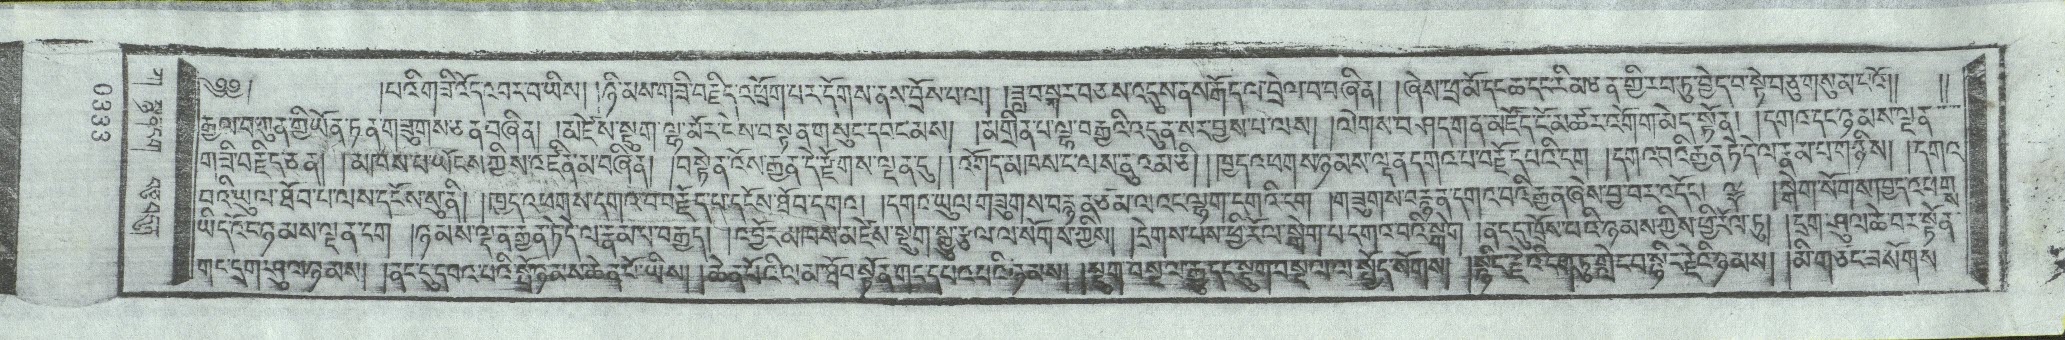༄༅། །པའི་གཟི་འོད་འབར་བ་ཡིས། །ཉི་མས་གཟི་བརྗིད་འཕྲོག་པར་དོགས་ནས་བྲོས་པ་ལ། །ཟླ་བསྐར་གཅད་འདུས་ནས་རྒོད་ལ་བྲེལ་བ་བཞིན། །ཞེས་ཕྲ་མོ་དང་ཆ་དང་རིམ་ཅན་གྱི་རབ་ཏུ་བྱེད་པ་སྟེ་བཅུ་གསུམ་པའོ།། །།
རྒྱལ་བ་ཀུན་གྱི་ཡོན་ཏན་གཟུགས་ཅན་བཞིན། །མཛེས་སྡུག་ལྷ་མོར་ངེས་བསྟན་གསུམ་དབང་མས། །མགྲིན་པ་ལྷ་བརྒྱའི་འདུན་སར་བྱས་པ་ལས། །ལེགས་བཤད་གན་མཛོད་ངོ་མཚར་འགོག་མེད་སྟོན། །དགའ་དང་ཉམས་ལྡན་
གཟི་བརྗིད་ཅན། །མཁས་པ་ཡོངས་ཀྱིས་འཛིན་མ་བཞིན། །བསྟེན་འོས་རྒྱན་རྡེ་རྫོགས་ལྡན་དུ། །འགོད་མཁས་ང་ལས་ནུའམ་ཅི། །ཁྱད་འཕགས་ཉམས་ལྡན་དགའ་པ་བརྗོད་པའི་དག །དགའ་བའི་རྒྱན་ཏེ་དེ་ལ་རྣམ་པ་གཉིས། །དགའ་
བའི་ཡུལ་ཐོབ་པ་ལས་དངོས་སུ་ནི། །ཁྱད་འཕགས་དགའ་བ་བརྗོད་པ་དངོས་ཐོབ་དགའ། །དགའ་ཡུལ་གཟུགས་བརྙན་ཙམ་ལའང་ལྷག་དགའི་དག །གཟུགས་བརྙན་དགའ་བའི་རྒྱན་ཞེས་བྱ་བར་འདོད། ༈ །སྒེག་སོགས་ཁྱང་འཕགས་
ཡིད་འོང་ཉམས་ལྡན་དག །ཉམས་ལྡན་རྒྱན་ཏེ་དེ་ལ་རྣམ་པ་བརྒྱད། །འབྱོར་མཁས་མཛེས་སྡུག་སྒྱུ་རྩལ་ལ་སོགས་ཀྱིས། །དྲེགས་པས་ཕྱི་རོལ་སྒེག་པ་དགའ་བའི་སྒེག །ནང་དུ་ཁྲོས་པའི་ཉམས་ཀྱིས་ཕྱི་རོལ་ཏུ། །དྲག་ཤུལ་ཆེ་བར་སྟོན་
གང་དྲག་ཤུལ་ཉམས། ནང་དུ་དབའ་པའི་སྤྲོ་ཉམས་ཆེན་པོ་ཡིས། །ཆེན་པོའི་ལམ་ཐོབ་སྟོན་གང་དགའ་པའི་ཉམས། །སྡུག་བསྔལ་རྒྱུ་དང་སྡུག་བསྔལ་ལ་སྤྱོད་སོགས། །ཉིང་རྗེའི་དག་ཏུ་གླེང་བ་སྙིང་རྗེའི་ཉམས། །མི་གཙང་ཟ་སོགས?